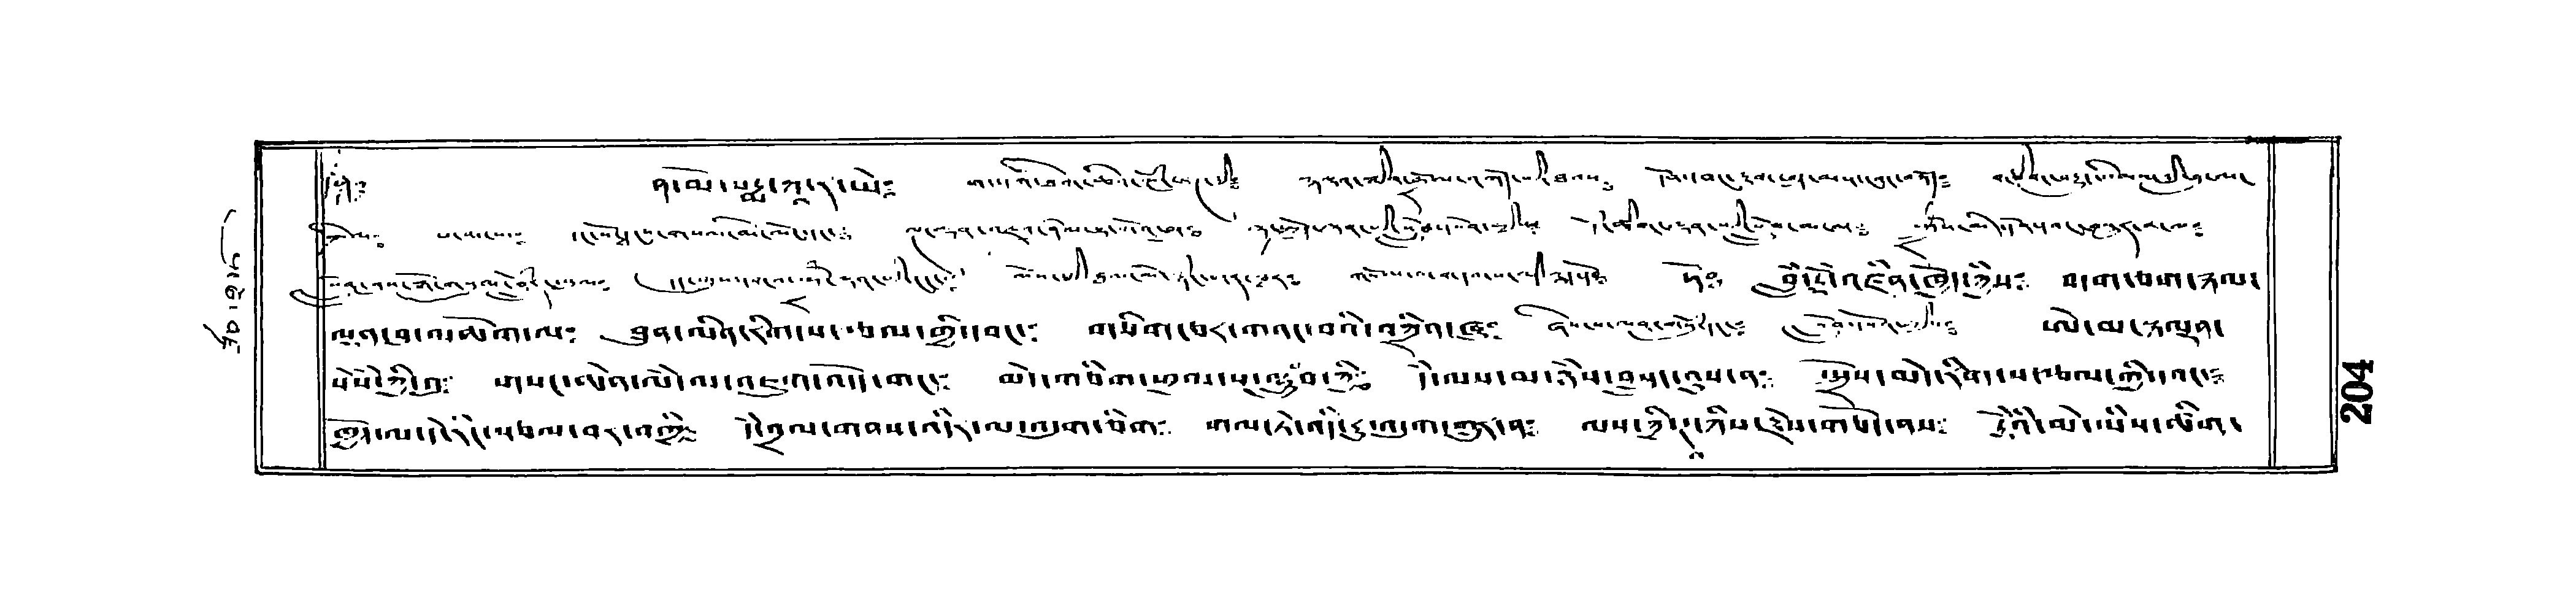ན་མོ་པདྨ་ཀཱ་ར་ཡེ༔ གང་དག་ཐེག་ཆེན་ལམ་ཞུགས་ཀྱི༔ སྐལ་ལྡན་སྨིན་གྲོལ་འགོད་པའི་ཐབས༔ དོན་དབང་ཟབ་ཁྱད་མན་ངག་བཀོད༔ གཅིག་བརྒྱུད་སེམས་ཀྱི་བུ་ལ་
སྤེལ༔ ས་མ་ཡ༔ དང་པོ་དྭངས་གསལ་མེ་ལོང་དང༔ ལྔ་ལྡན་འཇའ་ཤེལ་སྟ་གོན་བརྒྱ༔ དམ་ཚིག་ལྡན་པའི་སློབ་མ་ལ༔ སྤྲོས་མེད་དོན་དབང་བསྐུར་བ་ལ༔ 
སློབ་བུས་སྒོ་གསུམ་བླ་མར་ཕུལ༔ དད་གུས་དགའ་སྤྲོ་ལྡན་པའི་ངང༔ མོས་པའི་ཐལ་མོ་སྙིང་གར་སྦྱར༔ གསོལ་བ་གདབ་པ་འདི་སྐད་དོ༔ ཧོཿ བླ་མ་རྡོ་རྗེ་འཛིན་ཁྱོད་ཀྱིས༔ བདག་ཅག་སྐལ་
ལྡན་བུ་མཆོག་ལ༔ ཐུན་མིན་རིག་པ་རྩལ་གྱི་དབང༔ གཅིག་ཅར་གནང་བའི་བཀའ་དྲིན་ཞུ༔ ཞེས་པ་ལན་གསུམ་དང༔ སློབ་དཔོན་གྱིས༔ ཨེ་མ་སྐལ་ལྡན་
སེམས་ཀྱི་བུ༔ གསང་ཆེན་ལམ་ལ་འཇུག་འདོད་གང༔ མེད་གཅིག་ཕྱལ་པ་ལྷུན་གྲུབ་ཀྱི༔ དམ་ལས་མ་ཉམས་བསྲུང་ནུས་ན༔ སྤྲོས་མེད་རིག་པ་རྩལ་གྱི་དབང༔ 
ཁྱོད་ལ་དེ་རིང་བསྩལ་བར་བགྱི༔ དམ་བྲལ་གནས་འདིར་མ་འདུག་ཅིག༔ གལ་ཏེ་འདི་རུ་འདུག་གྱུར་ན༔ ལས་ཀྱི་ཌཱ་ཀིས་རྗེས་གཅོད་ནསཿ རྡོ་རྗེའི་མེ་ཡིས་ཚིག་